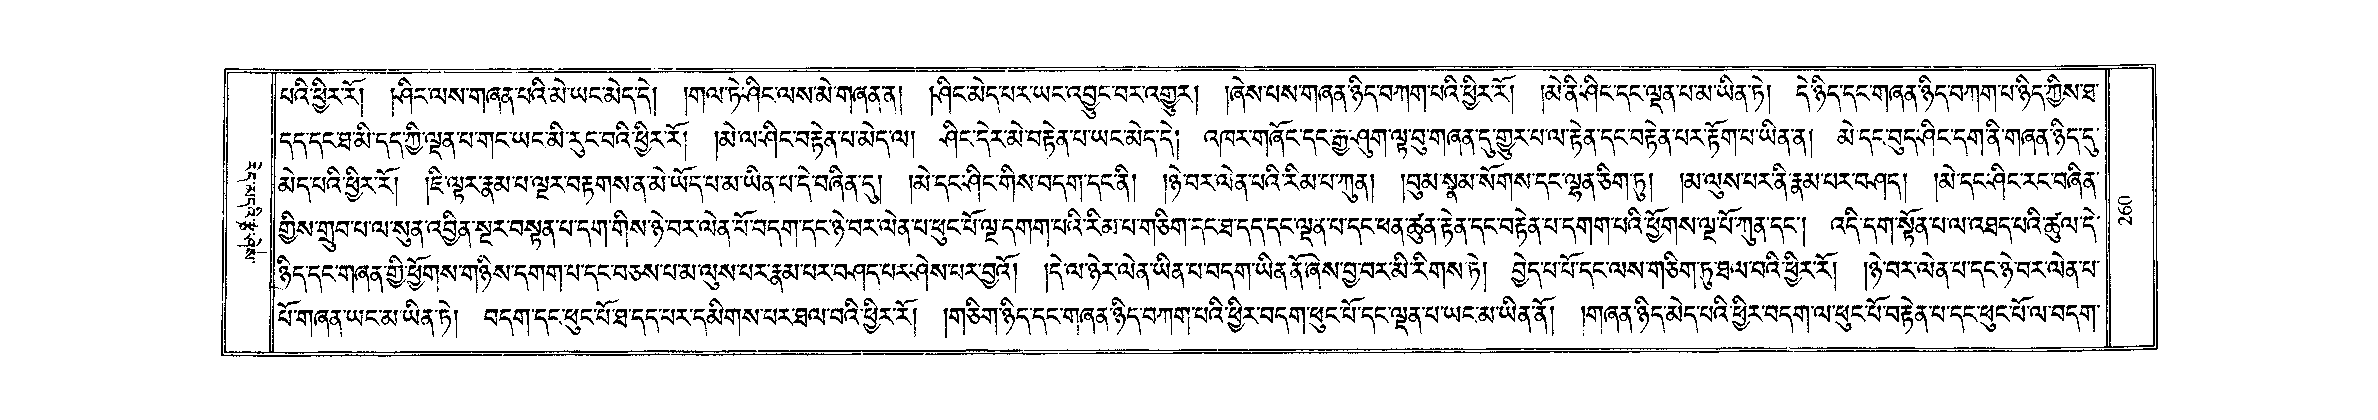པའི་ཕྱིར་རོ། །ཤིང་ལས་གཞན་པའི་མེ་ཡང་མེད་དེ། །གལ་ཏེ་ཤིང་ལས་མེ་གཞན་ན། །ཤིང་མེད་པར་ཡང་འབྱུང་བར་འགྱུར། །ཞེས་པས་གཞན་ཉིད་བཀག་པའི་ཕྱིར་རོ། །མེ་ནི་ཤིང་དང་ལྡན་པ་མ་ཡིན་ཏེ། དེ་ཉིད་དང་གཞན་ཉིད་བཀག་པ་ཉིད་ཀྱིས་ཐ་
དད་དང་ཐ་མི་དད་ཀྱི་ལྡན་པ་གང་ཡང་མི་རུང་བའི་ཕྱིར་རོ། །མེ་ལ་ཤིང་བརྟེན་པ་མེད་ལ། ཤིང་དེར་མེ་བརྟེན་པ་ཡང་མེད་དེ། འཁར་གཞོང་དང་རྒྱ་ཤུག་ལྟ་བུ་གཞན་དུ་གྱུར་པ་ལ་རྟེན་དང་བརྟེན་པར་རྟོག་པ་ཡིན་ན། མེ་དང་བུད་ཤིང་དག་ནི་གཞན་ཉིད་དུ་
མེད་པའི་ཕྱིར་རོ། །ཇི་ལྟར་རྣམ་པ་ལྔར་བརྟགས་ན་མེ་ཡོད་པ་མ་ཡིན་པ་དེ་བཞིན་དུ། །མེ་དང་ཤིང་གིས་བདག་དང་ནི། །ཉེ་བར་ལེན་པའི་རིམ་པ་ཀུན། །བུམ་སྣམ་སོགས་དང་ལྷན་ཅིག་ཏུ། །མ་ལུས་པར་ནི་རྣམ་པར་བཤད། །མེ་དང་ཤིང་རང་བཞིན་
གྱིས་གྲུབ་པ་ལ་སུན་འབྱིན་སྔར་བསྟན་པ་དག་གིས་ཉེ་བར་ལེན་པོ་བདག་དང་ཉེ་བར་ལེན་པ་ཕུང་པོ་ལྔ་དགག་པའི་རིམ་པ་གཅིག་དང་ཐ་དད་དང་ལྡན་པ་དང་ཕན་ཚུན་རྟེན་དང་བརྟེན་པ་དགག་པའི་ཕྱོགས་ལྔ་པོ་ཀུན་དང་། འདི་དག་སྟོན་པ་ལ་འཐད་པའི་ཚུལ་དེ་
ཉིད་དང་གཞན་གྱི་ཕྱོགས་གཉིས་དགག་པ་དང་བཅས་པ་མ་ལུས་པར་རྣམ་པར་བཤད་པར་ཤེས་པར་བྱའོ། །དེ་ལ་ཉེར་ལེན་ཡིན་པ་བདག་ཡིན་ནོ་ཞེས་བྱ་བར་མི་རིགས་ཏེ། བྱེད་པ་པོ་དང་ལས་གཅིག་ཏུ་ཐལ་བའི་ཕྱིར་རོ། །ཉེ་བར་ལེན་པ་དང་ཉེ་བར་ལེན་པ་
པོ་གཞན་ཡང་མ་ཡིན་ཏེ། བདག་དང་ཕུང་པོ་ཐ་དད་པར་དམིགས་པར་ཐལ་བའི་ཕྱིར་རོ། །གཅིག་ཉིད་དང་གཞན་ཉིད་བཀག་པའི་ཕྱིར་བདག་ཕུང་པོ་དང་ལྡན་པ་ཡང་མ་ཡིན་ནོ། །གཞན་ཉིད་མེད་པའི་ཕྱིར་བདག་ལ་ཕུང་པོ་བརྟེན་པ་དང་ཕུང་པོ་ལ་བདག་